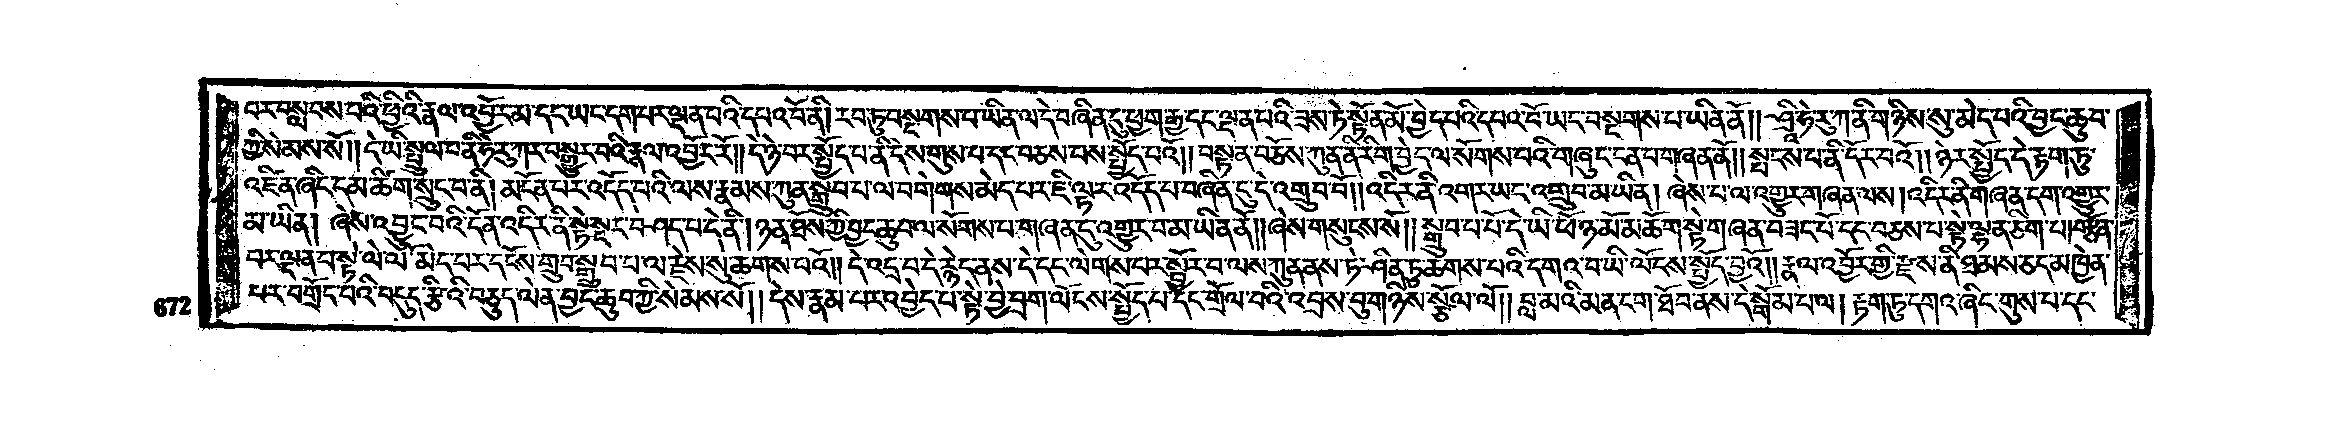པར་བསླབས་པའི་ཕྱིའི་རྣལ་འབྱོར་མ་དང་ཡང་དག་པར་ལྡན་པའི་དཔའ་བོ་ནི། རབ་ཏུ་བསྔགས་པ་ཡིན་ལ་དེ་བཞིན་དུ་ཕྱག་རྒྱ་དང་ལྡན་པའི་ཟས་ཏེ་སྟོན་མོ་བྱེད་པའི་དཔའ་བོ་ཡང་བསྔགས་པ་ཡིན་ནོ། །ཤྲཱི་ཧེ་རུ་ཀ་ནི་གཉིས་སུ་མེད་པའི་བྱང་ཆུབ་
ཀྱི་སེམས་སོ། །དེ་ཡི་སྤྲུལ་པ་ནི་ཧེ་རུ་ཀར་བསྒྱུར་བའི་རྣལ་འབྱོར་རོ། །དེ་ཉེ་བར་སྤྱོད་པ་ནི་དེས་གུས་པ་དང་བཅས་པས་སྤྱོད་པའོ། །བསྟན་བཅོས་ཀུན་ནི་རིག་བྱེད་ལ་སོགས་པའི་གཞུང་ངན་པ་གཞན་ནོ། །སྤངས་པ་ནི་དོར་བའོ། །ཉེར་སྤྱོད་དེ་རྟག་ཏུ་
འཛིན་ཞིང་དམ་ཚིག་སྲུང་བ་ནི། མངོན་པར་འདོད་པའི་ལས་རྣམས་ཀུན་སྒྲུབ་པ་ལ་བགེགས་མེད་པར་ཇི་ལྟར་འདོད་པ་བཞིན་དུ་དེ་འགྲུབ་བོ། །འདིར་ནི་འགར་ཡང་འགྲུབ་མ་ཡིན། ཞེས་པ་ལ་འགྱུར་གཞན་ལས། འདིར་ནི་གཞན་དག་འགྱུར་
མ་ཡིན། ཞེས་འབྱུང་བའི་དོན་འདིར་ནི་སྟེ་སྔར་བཤད་པ་དེ་ནི། ཉན་ཐོས་ཀྱི་བྱང་ཆུབ་ལ་སོགས་པ་གཞན་དུ་འགྱུར་བ་མ་ཡིན་ནོ། །ཞེས་གསུངས་སོ། །སྒྲུབ་པ་པོ་དེ་ཡི་ཕོ་ཉ་མོ་མཆོག་སྟེ་གཞན་བཟང་པོ་དང་བཅས་པ་སྟེ་ལྷན་ཅིག་པ་ཁ་རྩོན་
པར་ལྡན་པ་སྟེ་ལེ་ལོ་མེད་པར་དངོས་གྲུབ་སྒྲུབ་པ་ལ་རྗེས་སུ་ཆགས་པའོ། །དེ་འདྲ་བ་དེ་རྙེད་ནས་དེ་དང་ལེགས་པར་སྦྱོར་བ་ལས་ཀུན་ནས་ཏེ་ཤིན་ཏུ་ཆགས་པའི་དགའ་བ་ཡི་ལོངས་སྤྱོད་བྱའོ། །རྣལ་འབྱོར་གྱི་རྫས་ནི་ཐམས་ཅད་མཁྱེན་
པར་བགྲོད་པའི་བདུད་རྩིའི་བཅུད་ལེན་བྱང་ཆུབ་ཀྱི་སེམས་སོ། །དེས་རྣམ་པར་འབྱེད་པ་སྟེ་བྱེ་བྲག་ལོངས་སྤྱོད་པ་དང་གྲོལ་བའི་འབྲས་བུ་གཉིས་སྩོལ་ལོ། །བླ་མའི་མན་ངག་ཐོབ་ནས་དེ་སྒོམ་པ་ལ། རྟག་ཏུ་དགའ་ཞིང་གུས་པ་དང་